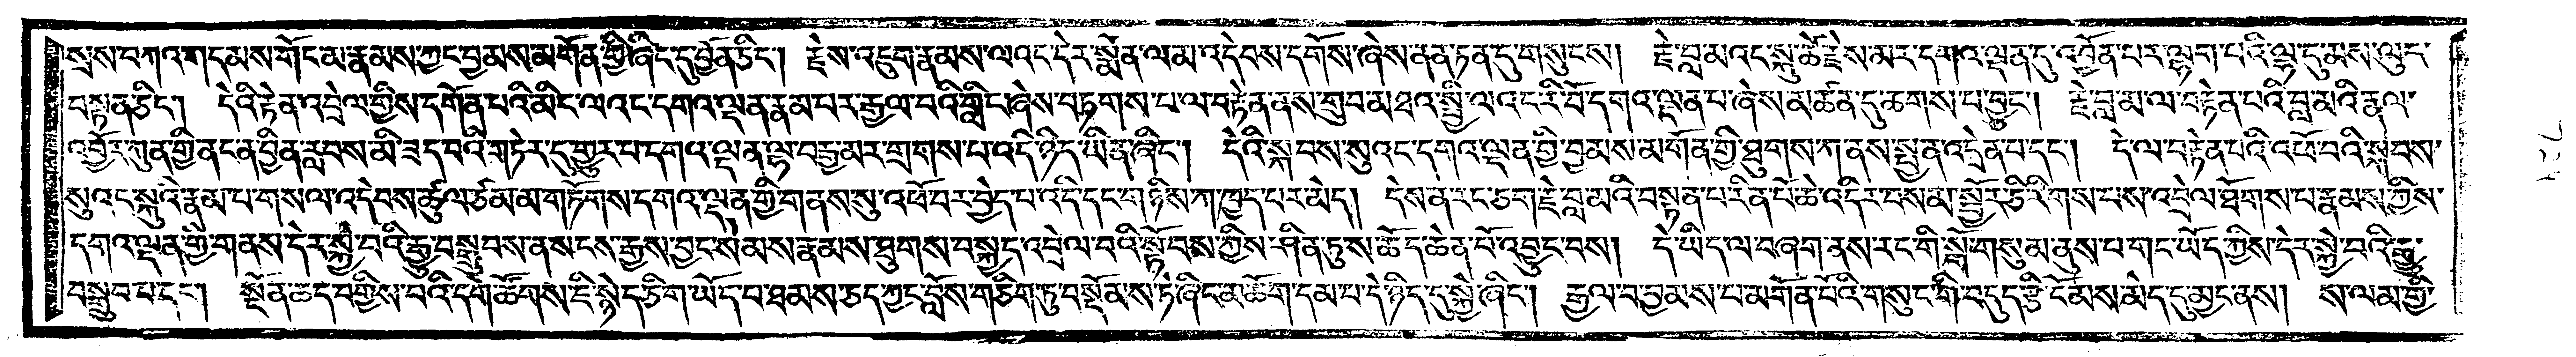སྲས་བཀའ་གདམས་གོང་མ་རྣམས་ཀྱང་བྱམས་མགོན་གྱི་ཞིང་དུ་བྱོན་ཅིང་། རྗེས་འཇུག་རྣམས་ལའང་དེར་སྨོན་ལམ་འདེབས་དགོས་ཞེས་ནན་ཏན་དུ་གསུངས། རྗེ་བླ་མའང་སྐུ་ཚེ་རྗེས་མར་དགའ་ལྡན་དུ་འབྱོན་པར་ལྷག་པའི་ལྷ་དུ་མས་ལུང་
བསྟན་ཅིང་། དེའི་རྟེན་འབྲེལ་གྱིས་དགོན་པའི་མིང་ལའང་དགའ་ལྡན་རྣམ་པར་རྒྱལ་བའི་གླིང་ཞེས་བཏགས་པ་ལ་བརྟེན་ནས་གྲུབ་མཐའ་སྤྱི་ལའང་རི་བོ་དགའ་ལྡན་པ་ཞེས་མཚན་དུ་ཆགས་པ་བྱུང་། རྗེ་བླ་མ་ལ་བརྟེན་པའི་བླ་མའི་རྣལ་
འབྱོར་ཀུན་གྱི་ནང་ན་བྱིན་རླབས་མི་ཟད་པའི་གཏེར་དུ་གྱུར་པ་དགའ་ལྡན་ལྷ་བརྒྱ་མར་གྲགས་པ་འདི་ཉིད་ཡིན་ཞིང་། དེའི་སྐབས་སུའང་དགའ་ལྡན་གྱི་བྱམས་མགོན་གྱི་ཐུགས་ཀ་ནས་སྤྱན་འདྲེན་པ་དང་། དེ་ལ་བརྟེན་པའི་འཕོ་བའི་སྐབས་
སུའང་སྐུའི་རྣམ་པ་གསལ་འདེབས་ཚུལ་ཙམ་མ་གཏོགས་དགའ་ལྡན་གྱི་གནས་སུ་འཕོ་བར་བྱེད་པ་འདི་དང་གཉིས་ཀ་ཁྱད་པར་མེད། དེས་ན་རང་ཅག་རྗེ་བླ་མའི་བསྟན་པ་རིན་པོ་ཆེ་འདིར་བསམ་སྦྱོར་ཅི་རིགས་པས་འབྲེལ་ཐོགས་པ་རྣམས་ཀྱིས་
དགའ་ལྡན་གྱི་གནས་དེར་སྐྱེ་བའི་རྒྱུ་བསྒྲུབས་ན་སངས་རྒྱས་བྱང་སེམས་རྣམས་ཐུགས་བསྐྱེད་འབྲེལ་བའི་སྟོབས་ཀྱིས་ཤིན་ཏུ་ས་ཆོད་ཆེན་པོ་འབྱུང་བས། དེ་ཡིད་ལ་བཞག་ནས་རང་གི་སྒོ་གསུམ་ནུས་པ་གང་ཡོད་ཀྱིས་དེར་སྐྱེ་བའི་རྒྱུ་
བསྒྲུབ་བ་དང་། སྔོན་ཆད་བགྱིས་པའི་དགེ་ཚོགས་ཇི་སྙེད་ཅིག་ཡོད་པ་ཐམས་ཅད་ཀྱང་བློས་གཅིག་ཏུ་བསྡོམས་ཏེ་ཞིང་མཆོག་དམ་པ་དེ་ཉིད་དུ་སྐྱེ་ཞིང་། རྒྱལ་བ་བྱམས་པ་མགོན་པོའི་གསུང་གི་བདུད་རྩི་ངོམས་མེད་དུ་མྱང་ནས། ས་ལམ་གྱི་